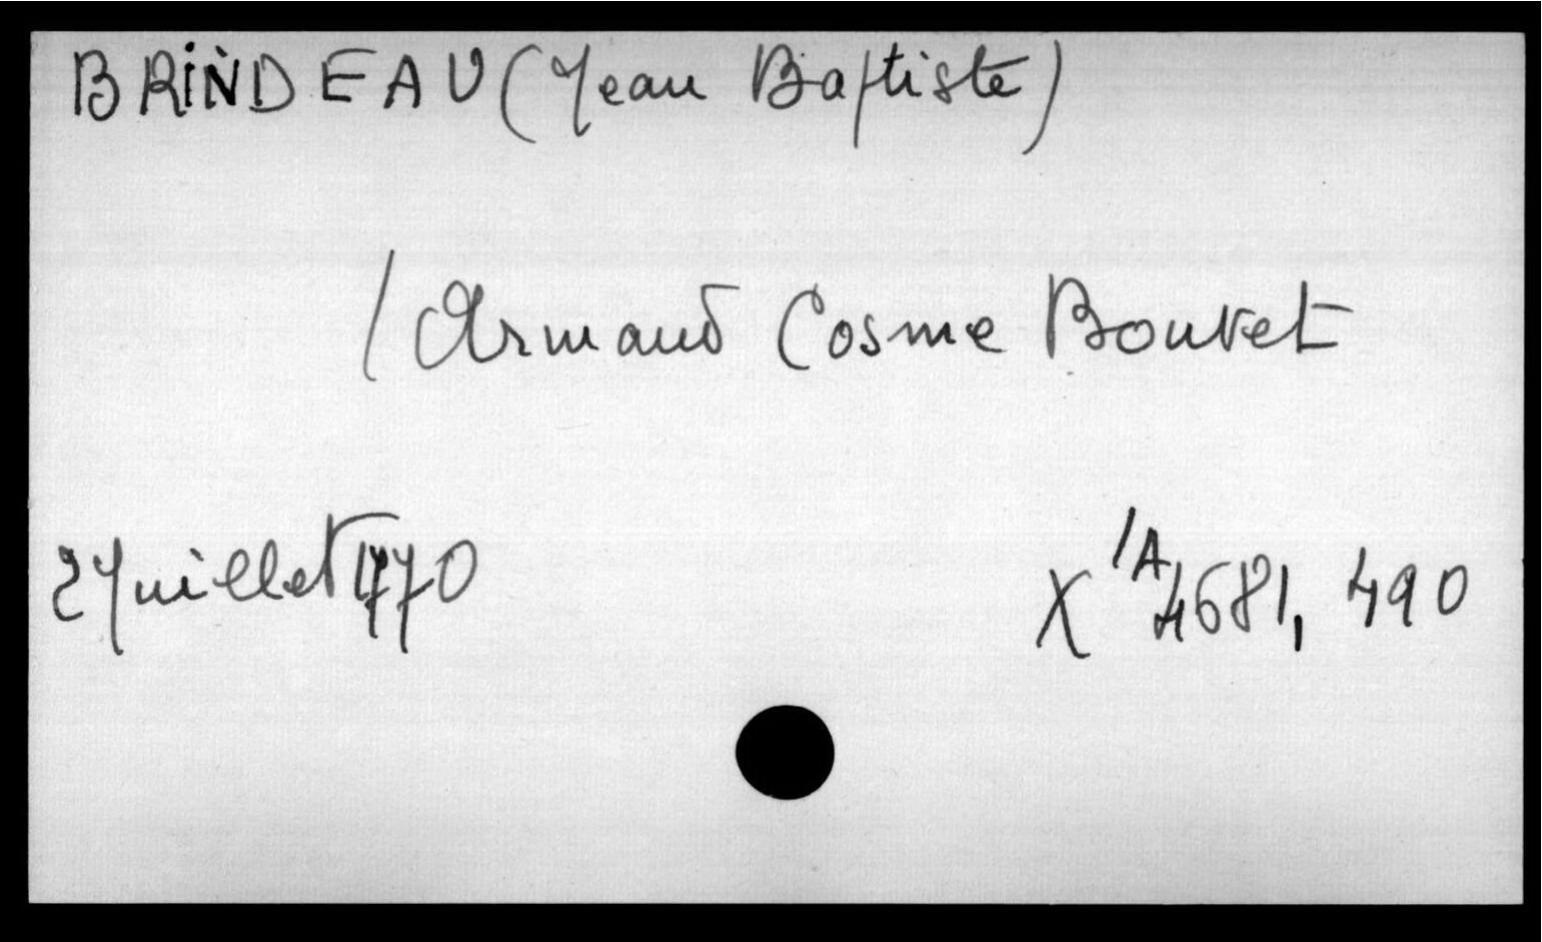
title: BRINDEAU (Jean Baptiste)
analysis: Contre Armand Cosme Bouvet
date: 2 juillet 1770
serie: X1A
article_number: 4681
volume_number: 490
